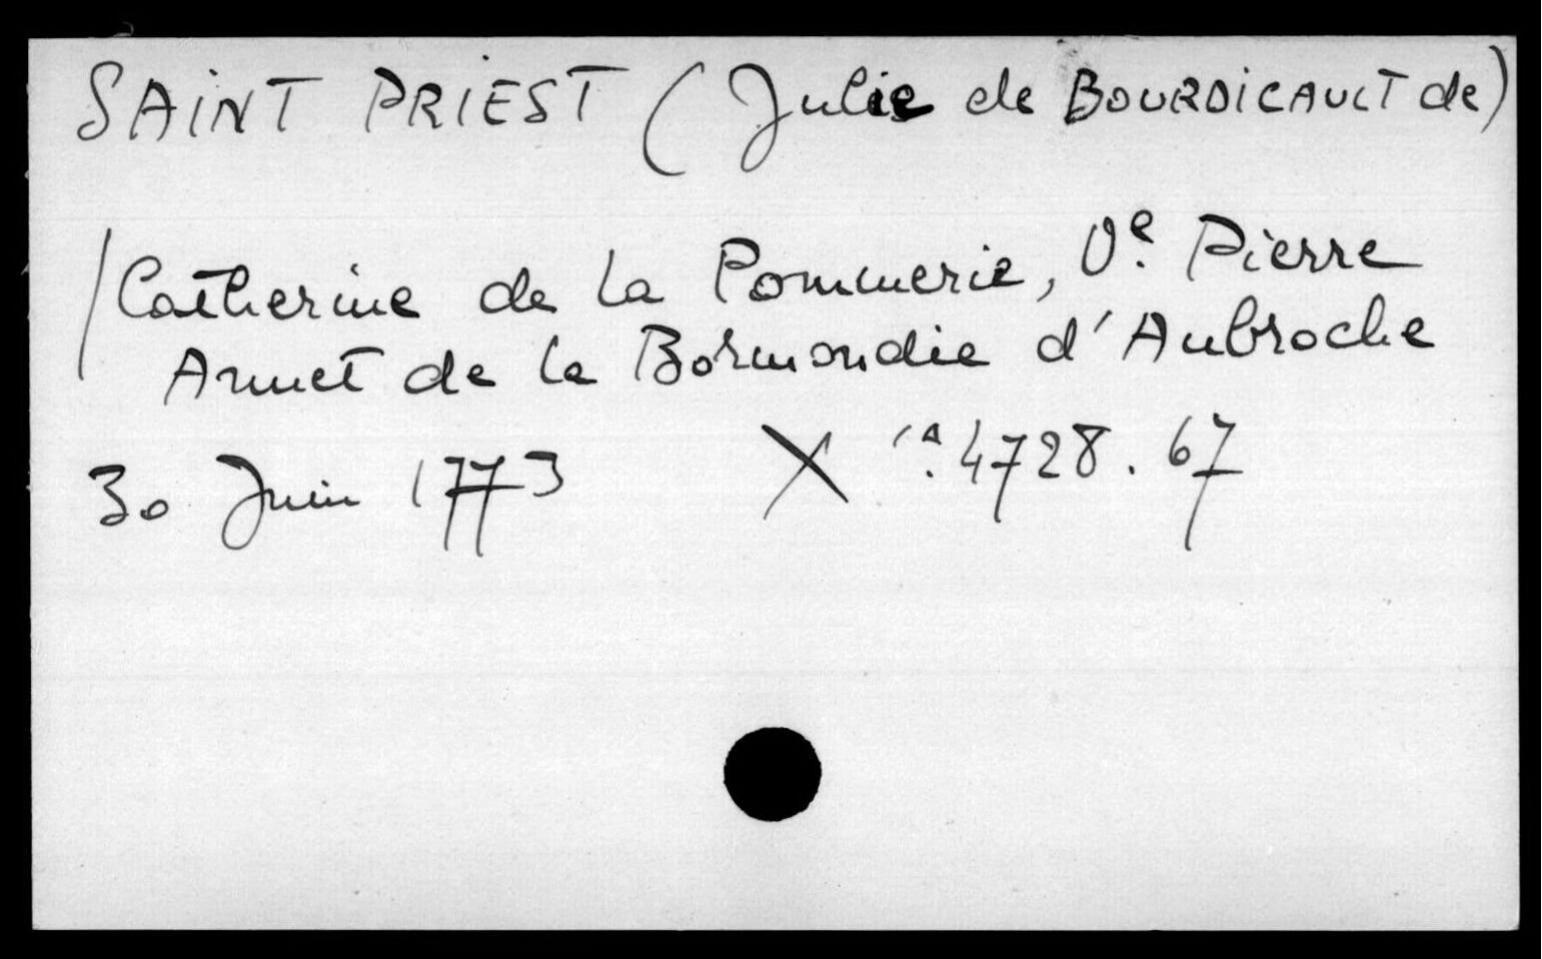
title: SAINT PRIEST (Julie de BOURDICAULT de)
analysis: Contre Catherine de la Pommerie, veuve Pierre Annet de la Bormondie d'Aubroche
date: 30 juin 1773
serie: X1A
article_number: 4728
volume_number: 67
